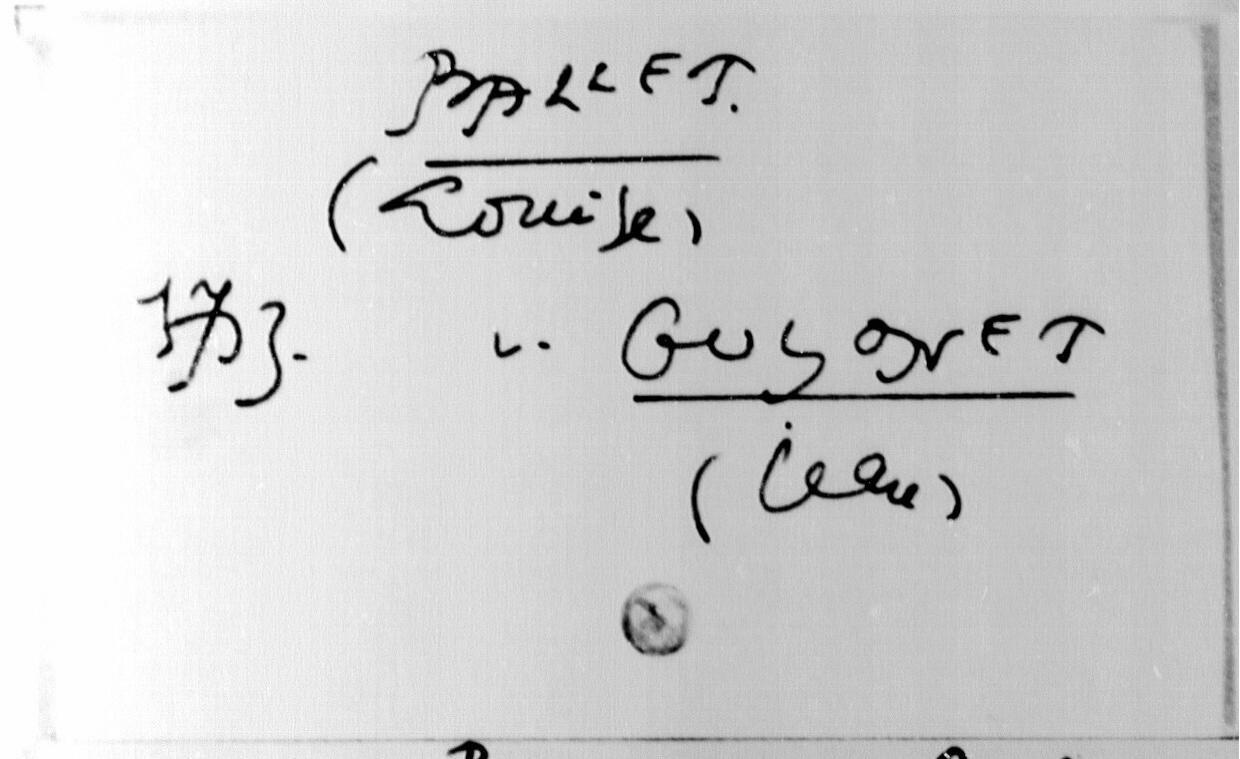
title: BALLET (Louise)
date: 1703
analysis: Voir GUYONET (Jean)
